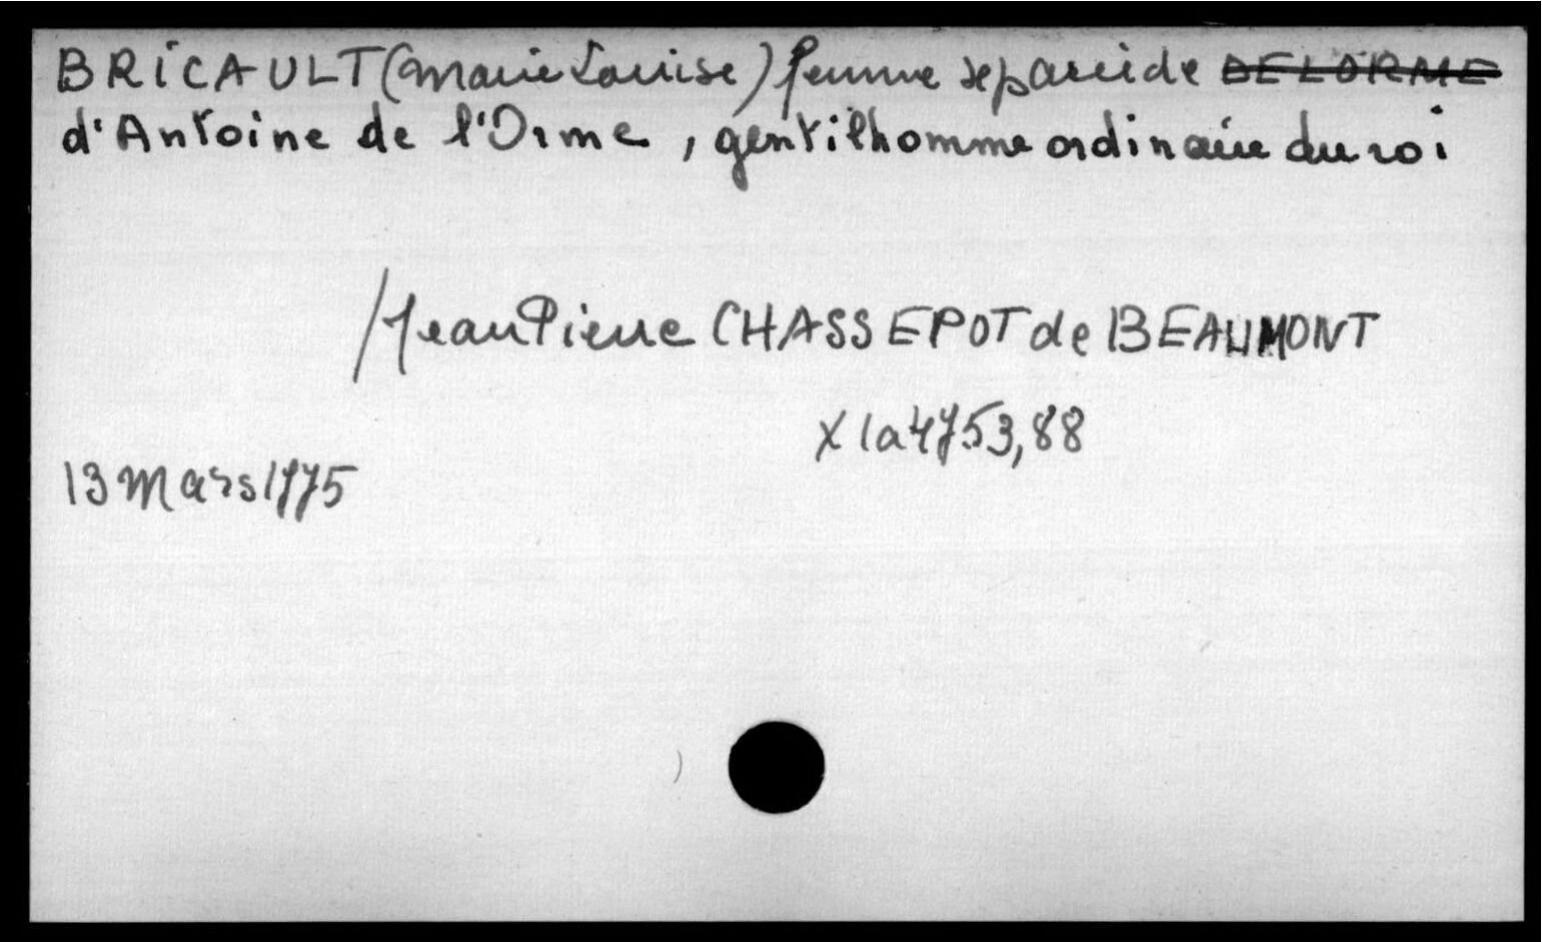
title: BRICAULT (Marie Louise) femme séparée d'Antoine de l'Orme, gentilhomme ordinaire du roi
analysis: Contre Jean Pierre CHASSEPOT de BEAUMONT
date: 13 mars 1775
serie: X1a
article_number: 4753
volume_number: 88
